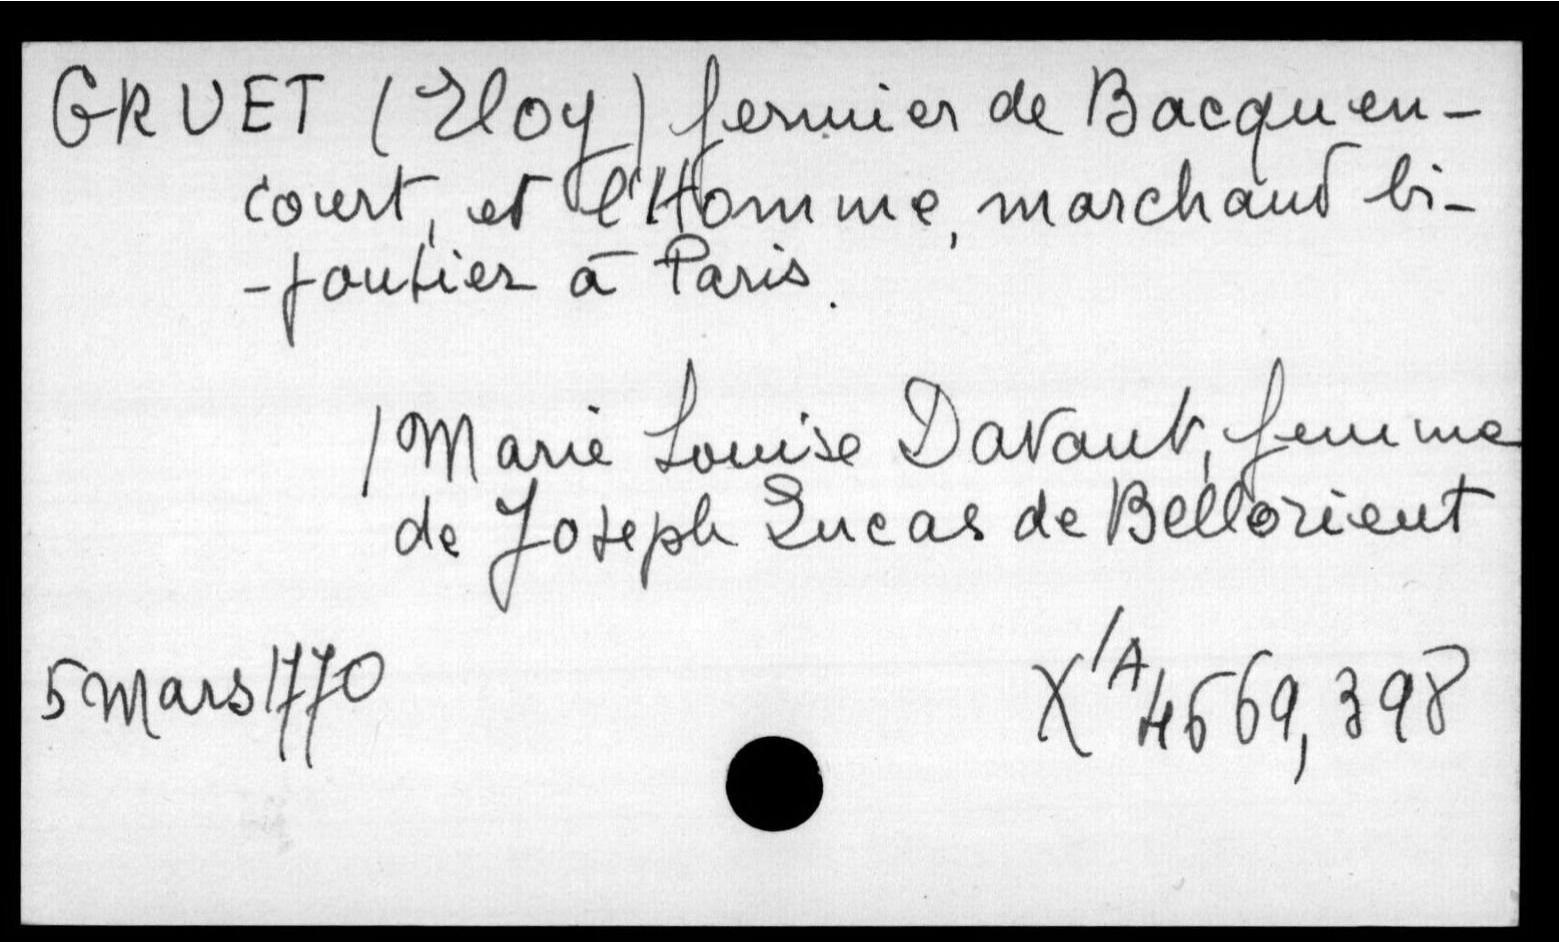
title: GRUET (Éloy), fermier de Bacquencourt, et L'Homme, marchand bijoutier à Paris
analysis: Contre Marie Louise Davant, femme de Joseph Lucas de Bellorient
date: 5 mars 1770
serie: X1A
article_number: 4669
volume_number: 398
